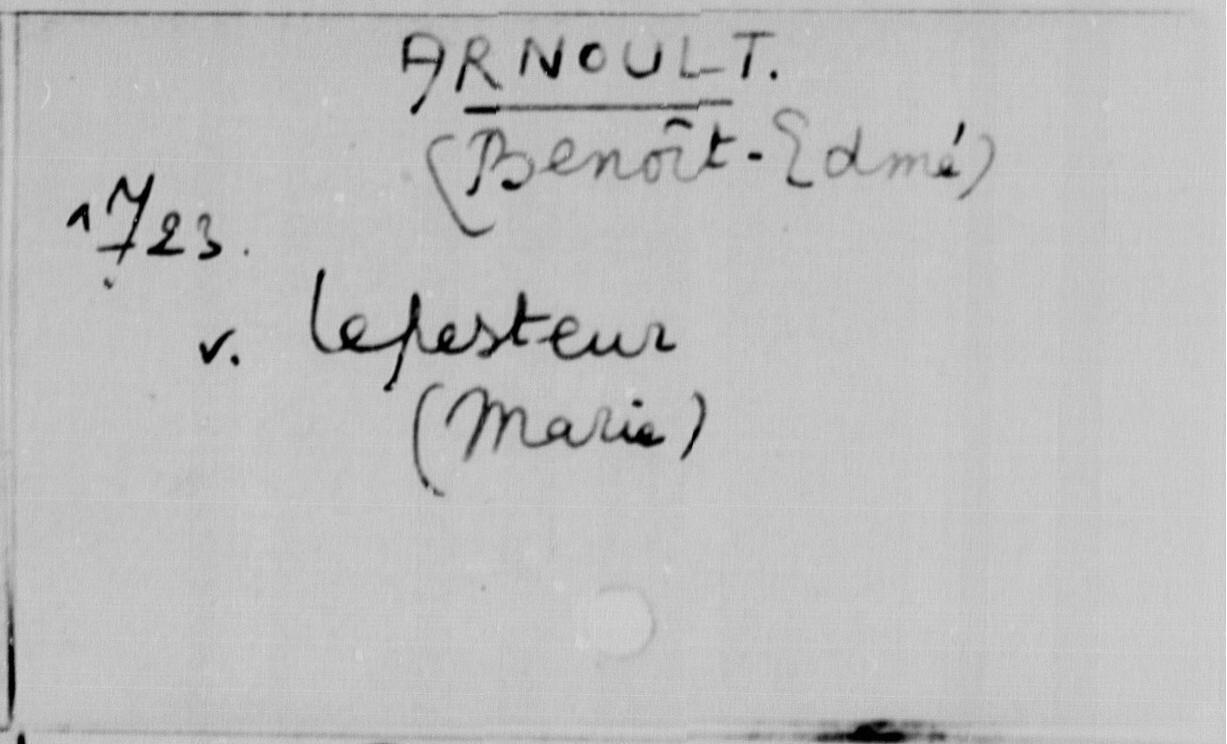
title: ARNOULT (Benît-Edmé)
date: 1723
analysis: Voir Lepesteur (Marie)
